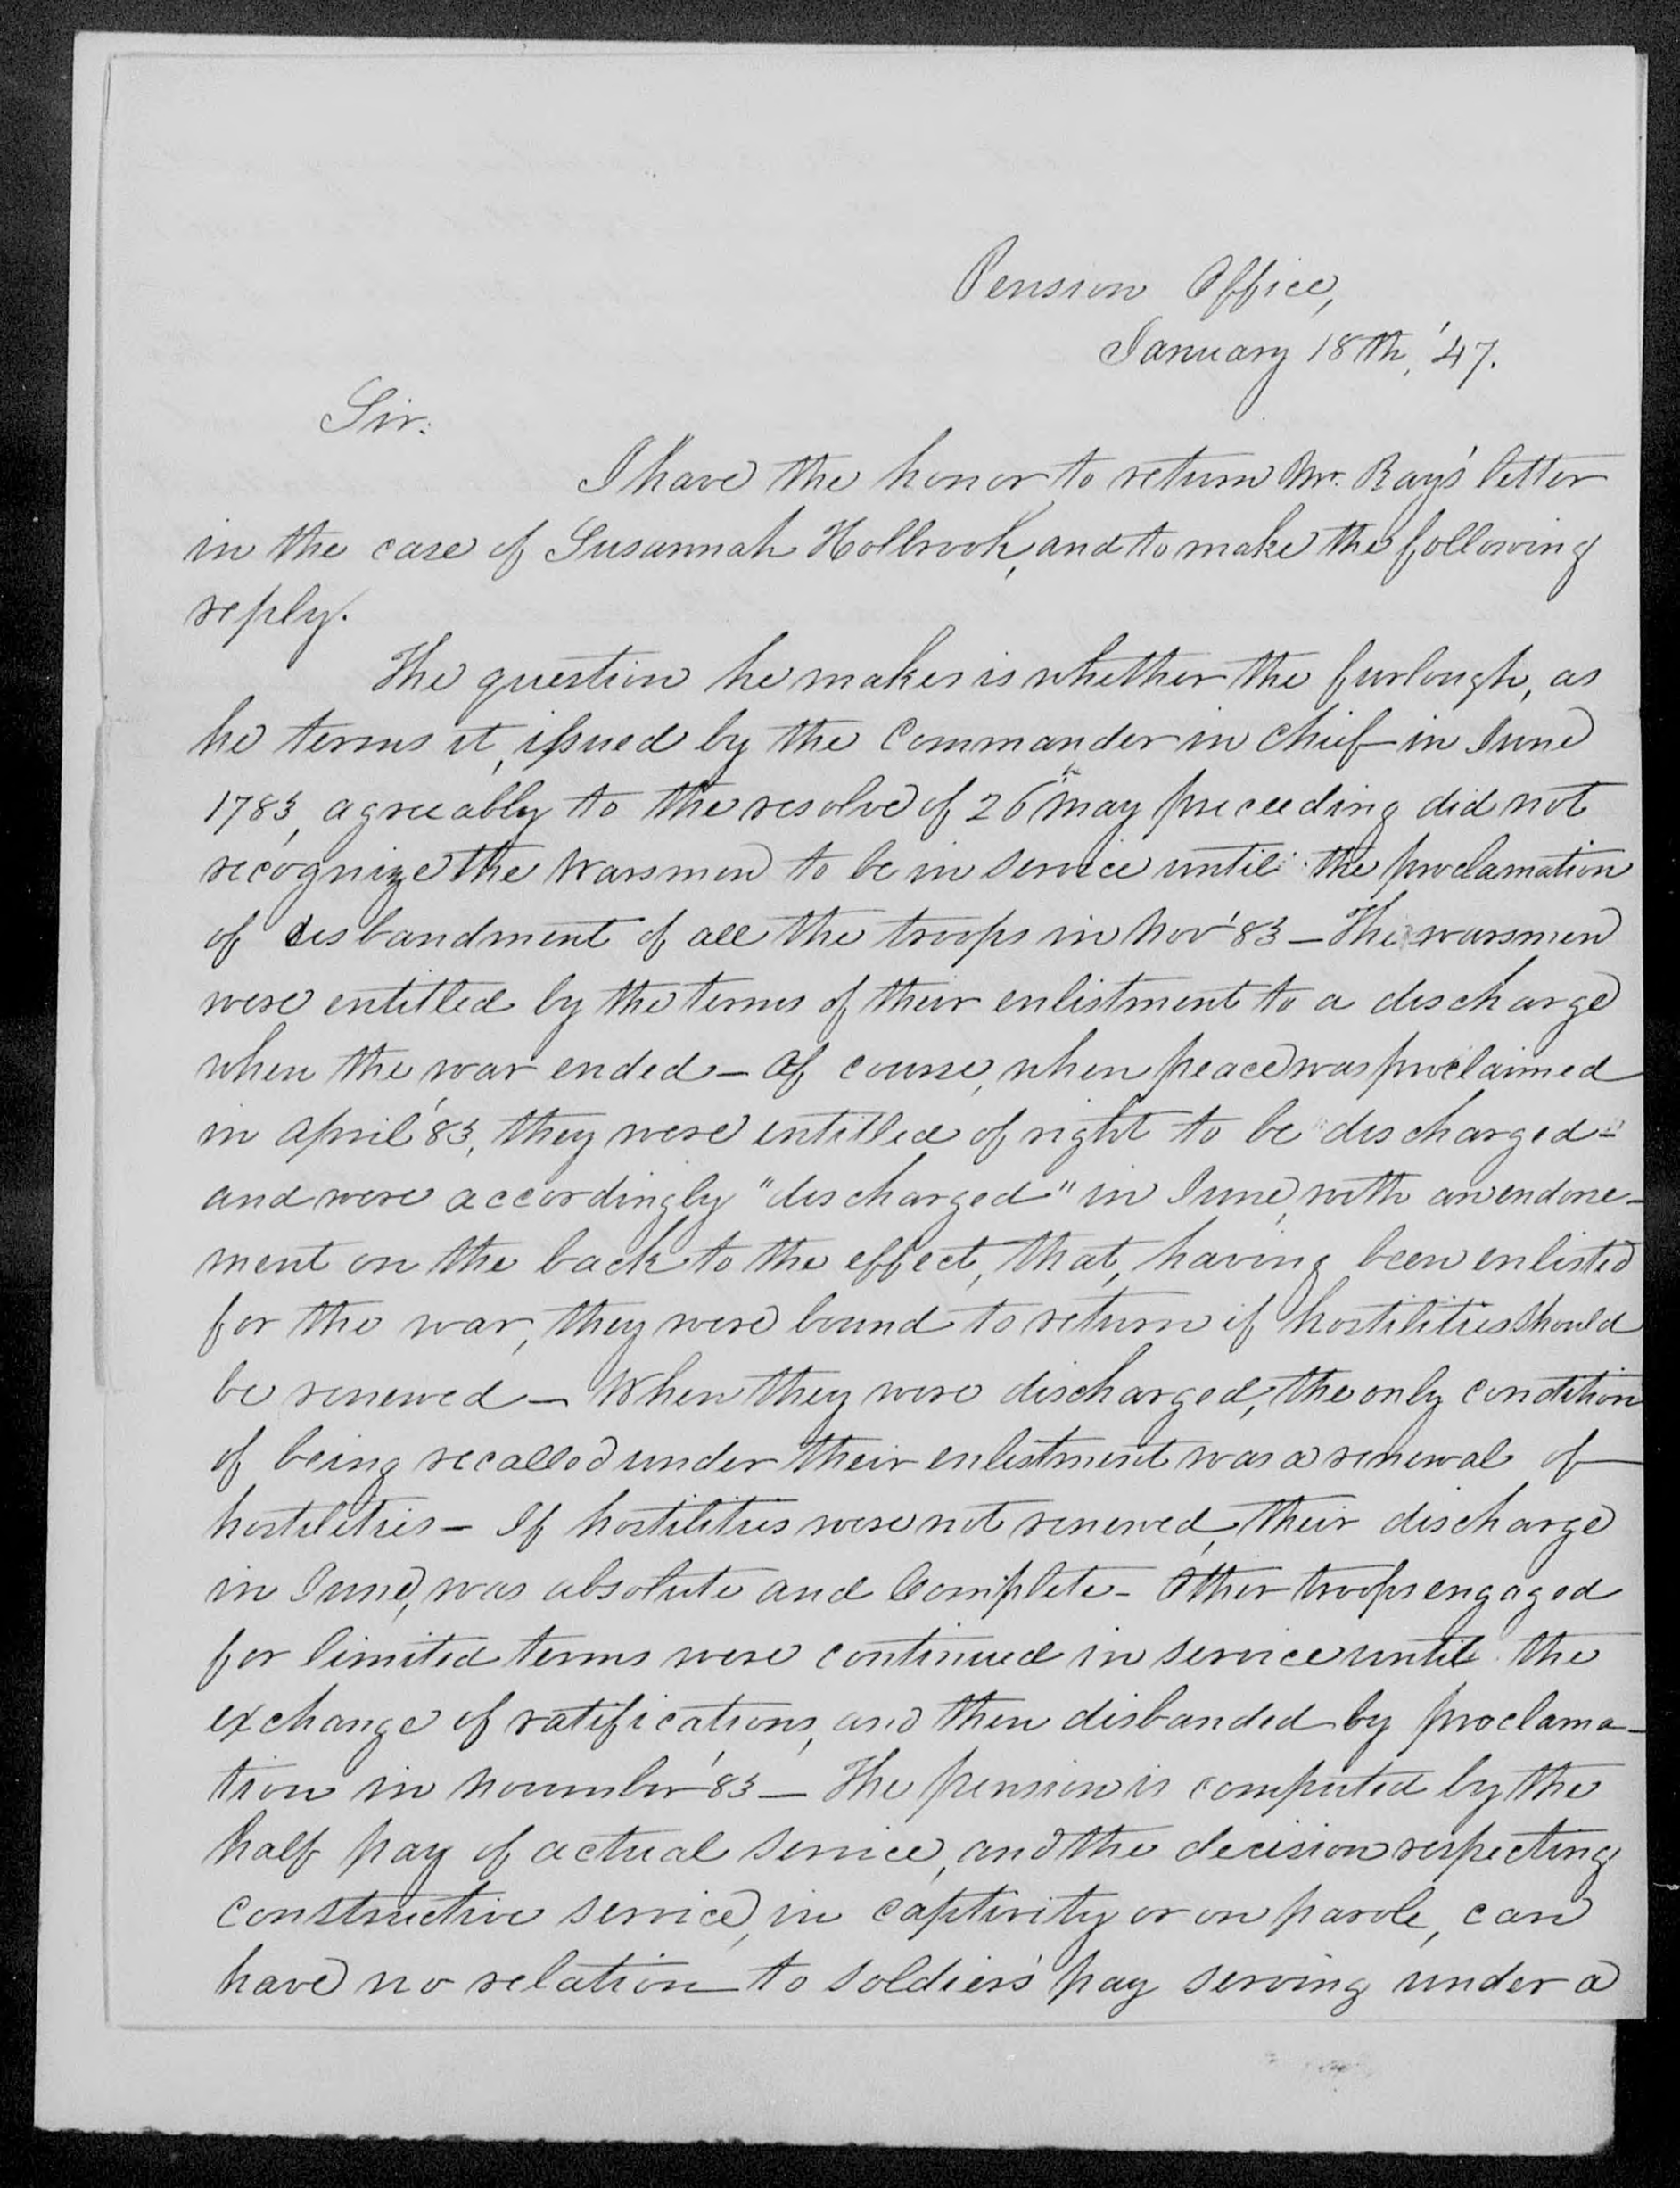Pension Office,
January 18th, '47.

Sir:
I have the honor to return Mr. Bay's letter in the case of Susannah Holbrook, and to make the following reply.
The question he makes is whether the furlough, as he terms it, issued by the Commander in Chief in June 1783, agreeably to the resolved of 26th May proceeding did not recognize the Warsmen to be in service until the proclamation of disbandment of all the troops in Nov '83 - The warsmen were entitled by the terms of their enlistment to a discharge when the war ended - Of course, when peace was proclaimed in April '83, they were entitled of right to be discharged - and were accordingly "discharged" in June, with commendment on the back to the effect, that, having been enlisted for the war, they were bound to return if hostilities should be renewed - When they were discharged, the only condition of being recalled under their enlistment was a removal of hostilities - If hostilities were not removed, their discharge in June, was absolute and Complete - Other troops engaged for limited terms were continued in service until the exchange of ratifications, and then disbanded by proclamation in November '83 - The previous is completed by the half pay of actual service, and the decision respecting constructive service, in captivity or on parole, can have no relation to soldiers' pay serving under a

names: Susannah Holbrook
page: 173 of 267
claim: widow's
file: W. 4,149, William Campbell, Va.